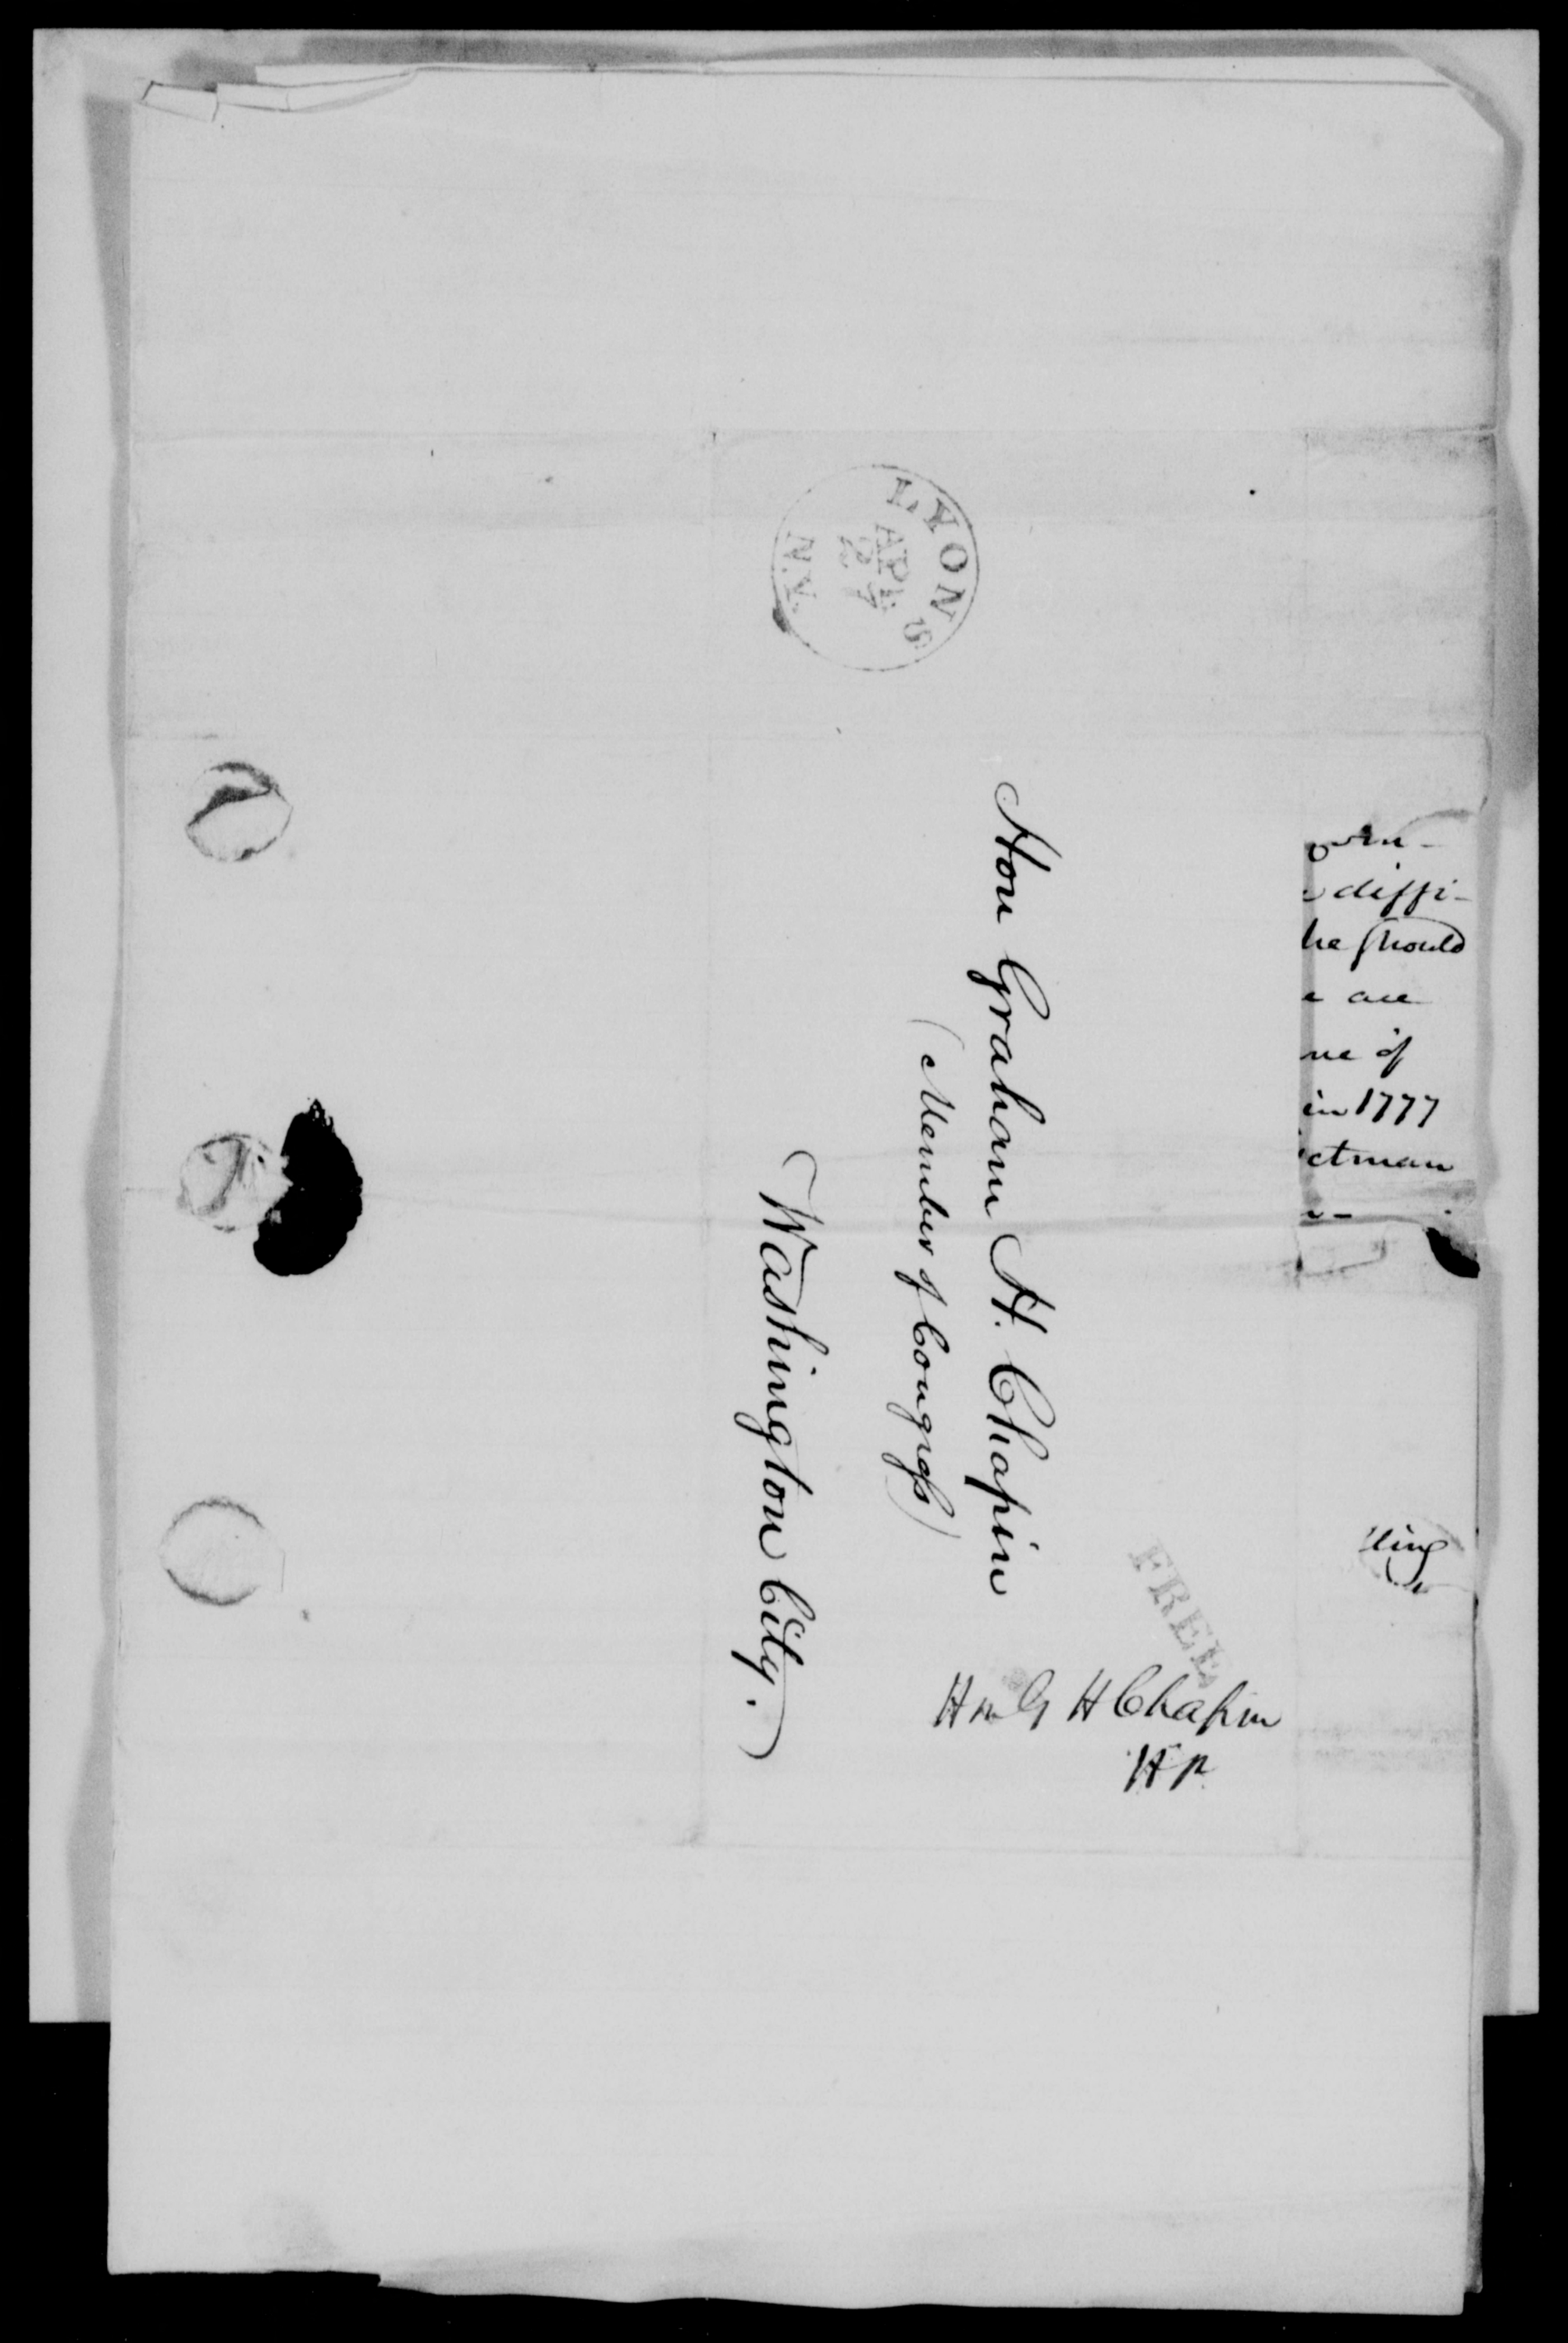[Postmark on front of envelope]
LYONS NY APR 27

[Addressed to]
Hon Graham H Chapin
Member of Congress
Washington City

[Stamp] FREE

[handwriting] Hon G H Chapin Hr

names: G H Chapin, Graham H Chapin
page: 54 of 66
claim: widow's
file: W. 19588, William Walling, New Jersey